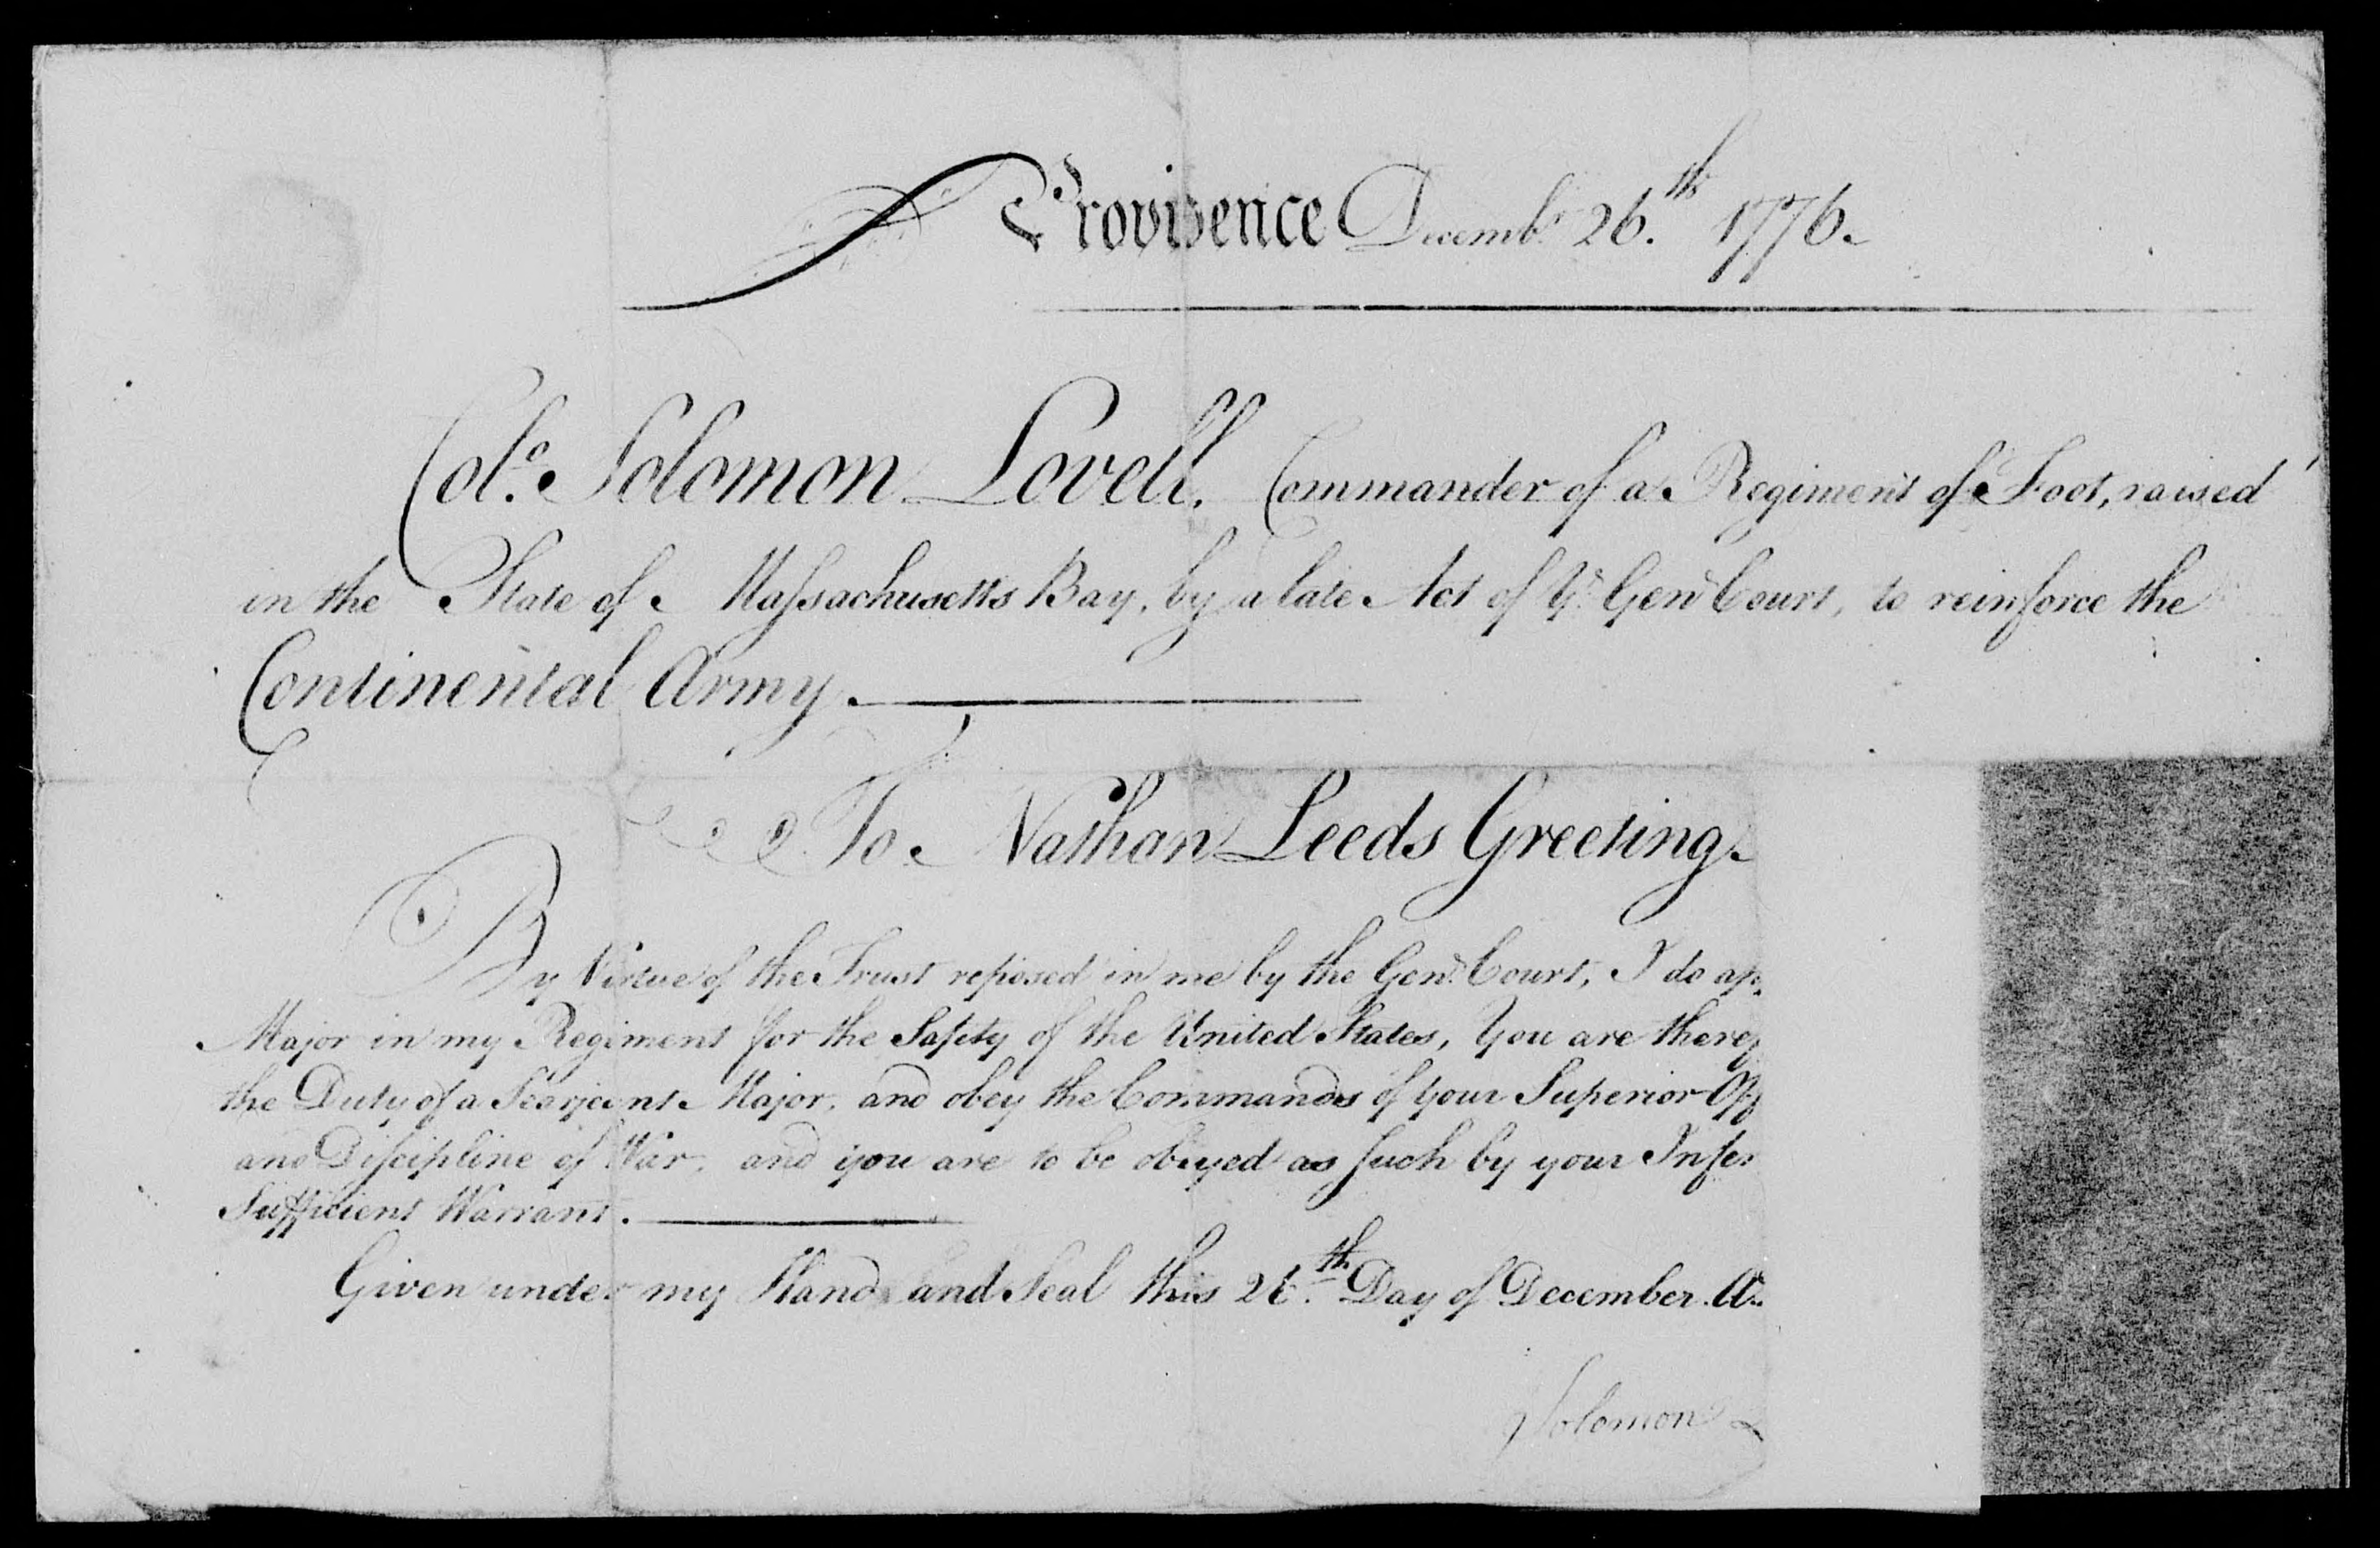Providence December 26th 1776.
Col. Solomon Lovell, Commander of a Regiment of Foot, raised
in the
State of Massachusetts Bay, by a late Act of Gen Court, to reinforce the
Continental Army.
-
To Nathan Leeds Greeting
By Nature of the Trust reposed in me by the Gen. Court, I do line of the Trust reposed in me by the Gen. Court, I do ap
Major in my Regiment for the safety of the United States, you are there
the Duty of a Searjeant Major, and obey the Commands of Your Superior Off
and Discipline of War, and you are to be obeyed as such by your Infer
Sufficient Warrant. 

Given under
my hand and seal this 26th day of December A
Solomon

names: Nathan Leeds; Solomon Lovell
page: 32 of 33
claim: widow's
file: W. 21,567, for Nathan Leeds, Massachusetts